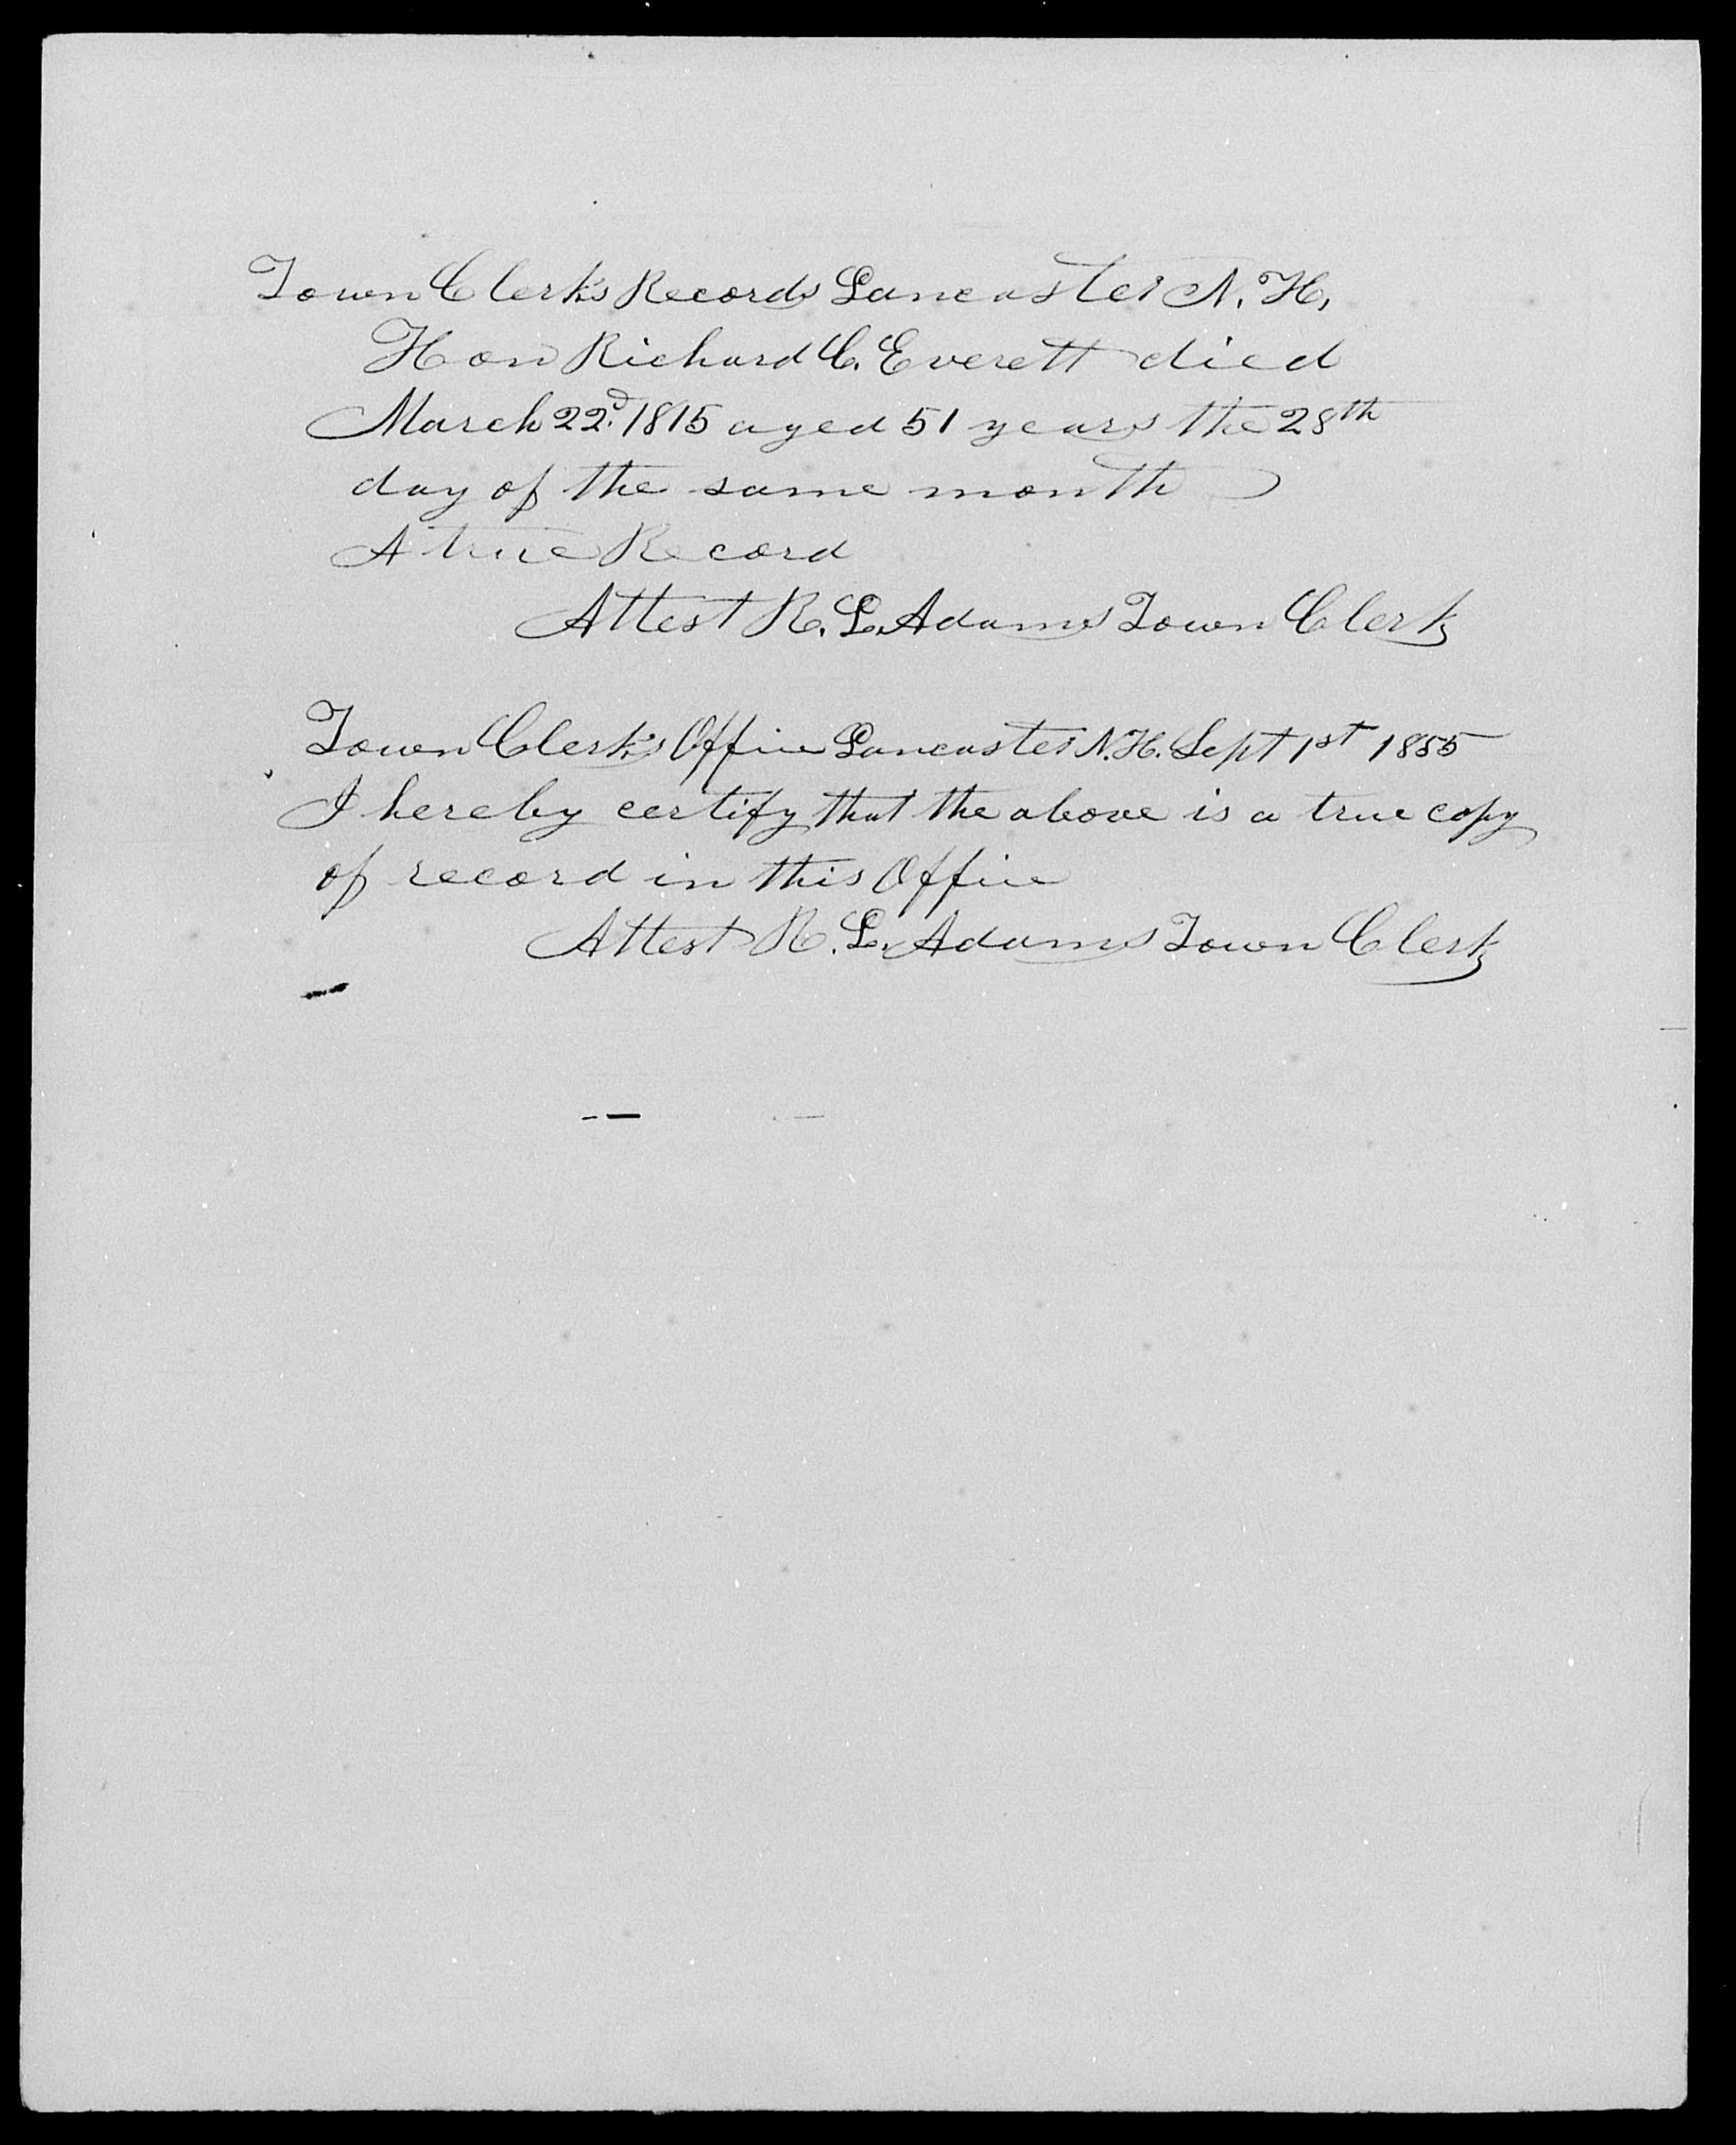Town Clerks Records Lancaster N. H.
Hon Richard C. Everett died
March 22 1815 aged 51 years the 28th
day of the same month
A true Record
Attest R. L. Adams Town Clerk
Town Clerks Office Lancaster N.H. Sept 1st 1855
I hereby certify that the above is a true copy of records in this Office
Attest R.L. Adams Town Clerk
-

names: Richard C Everett, R L Adams, R L Adams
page: 39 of 59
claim: widow's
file: W. 23017, Richard Clair Everett, Mass.